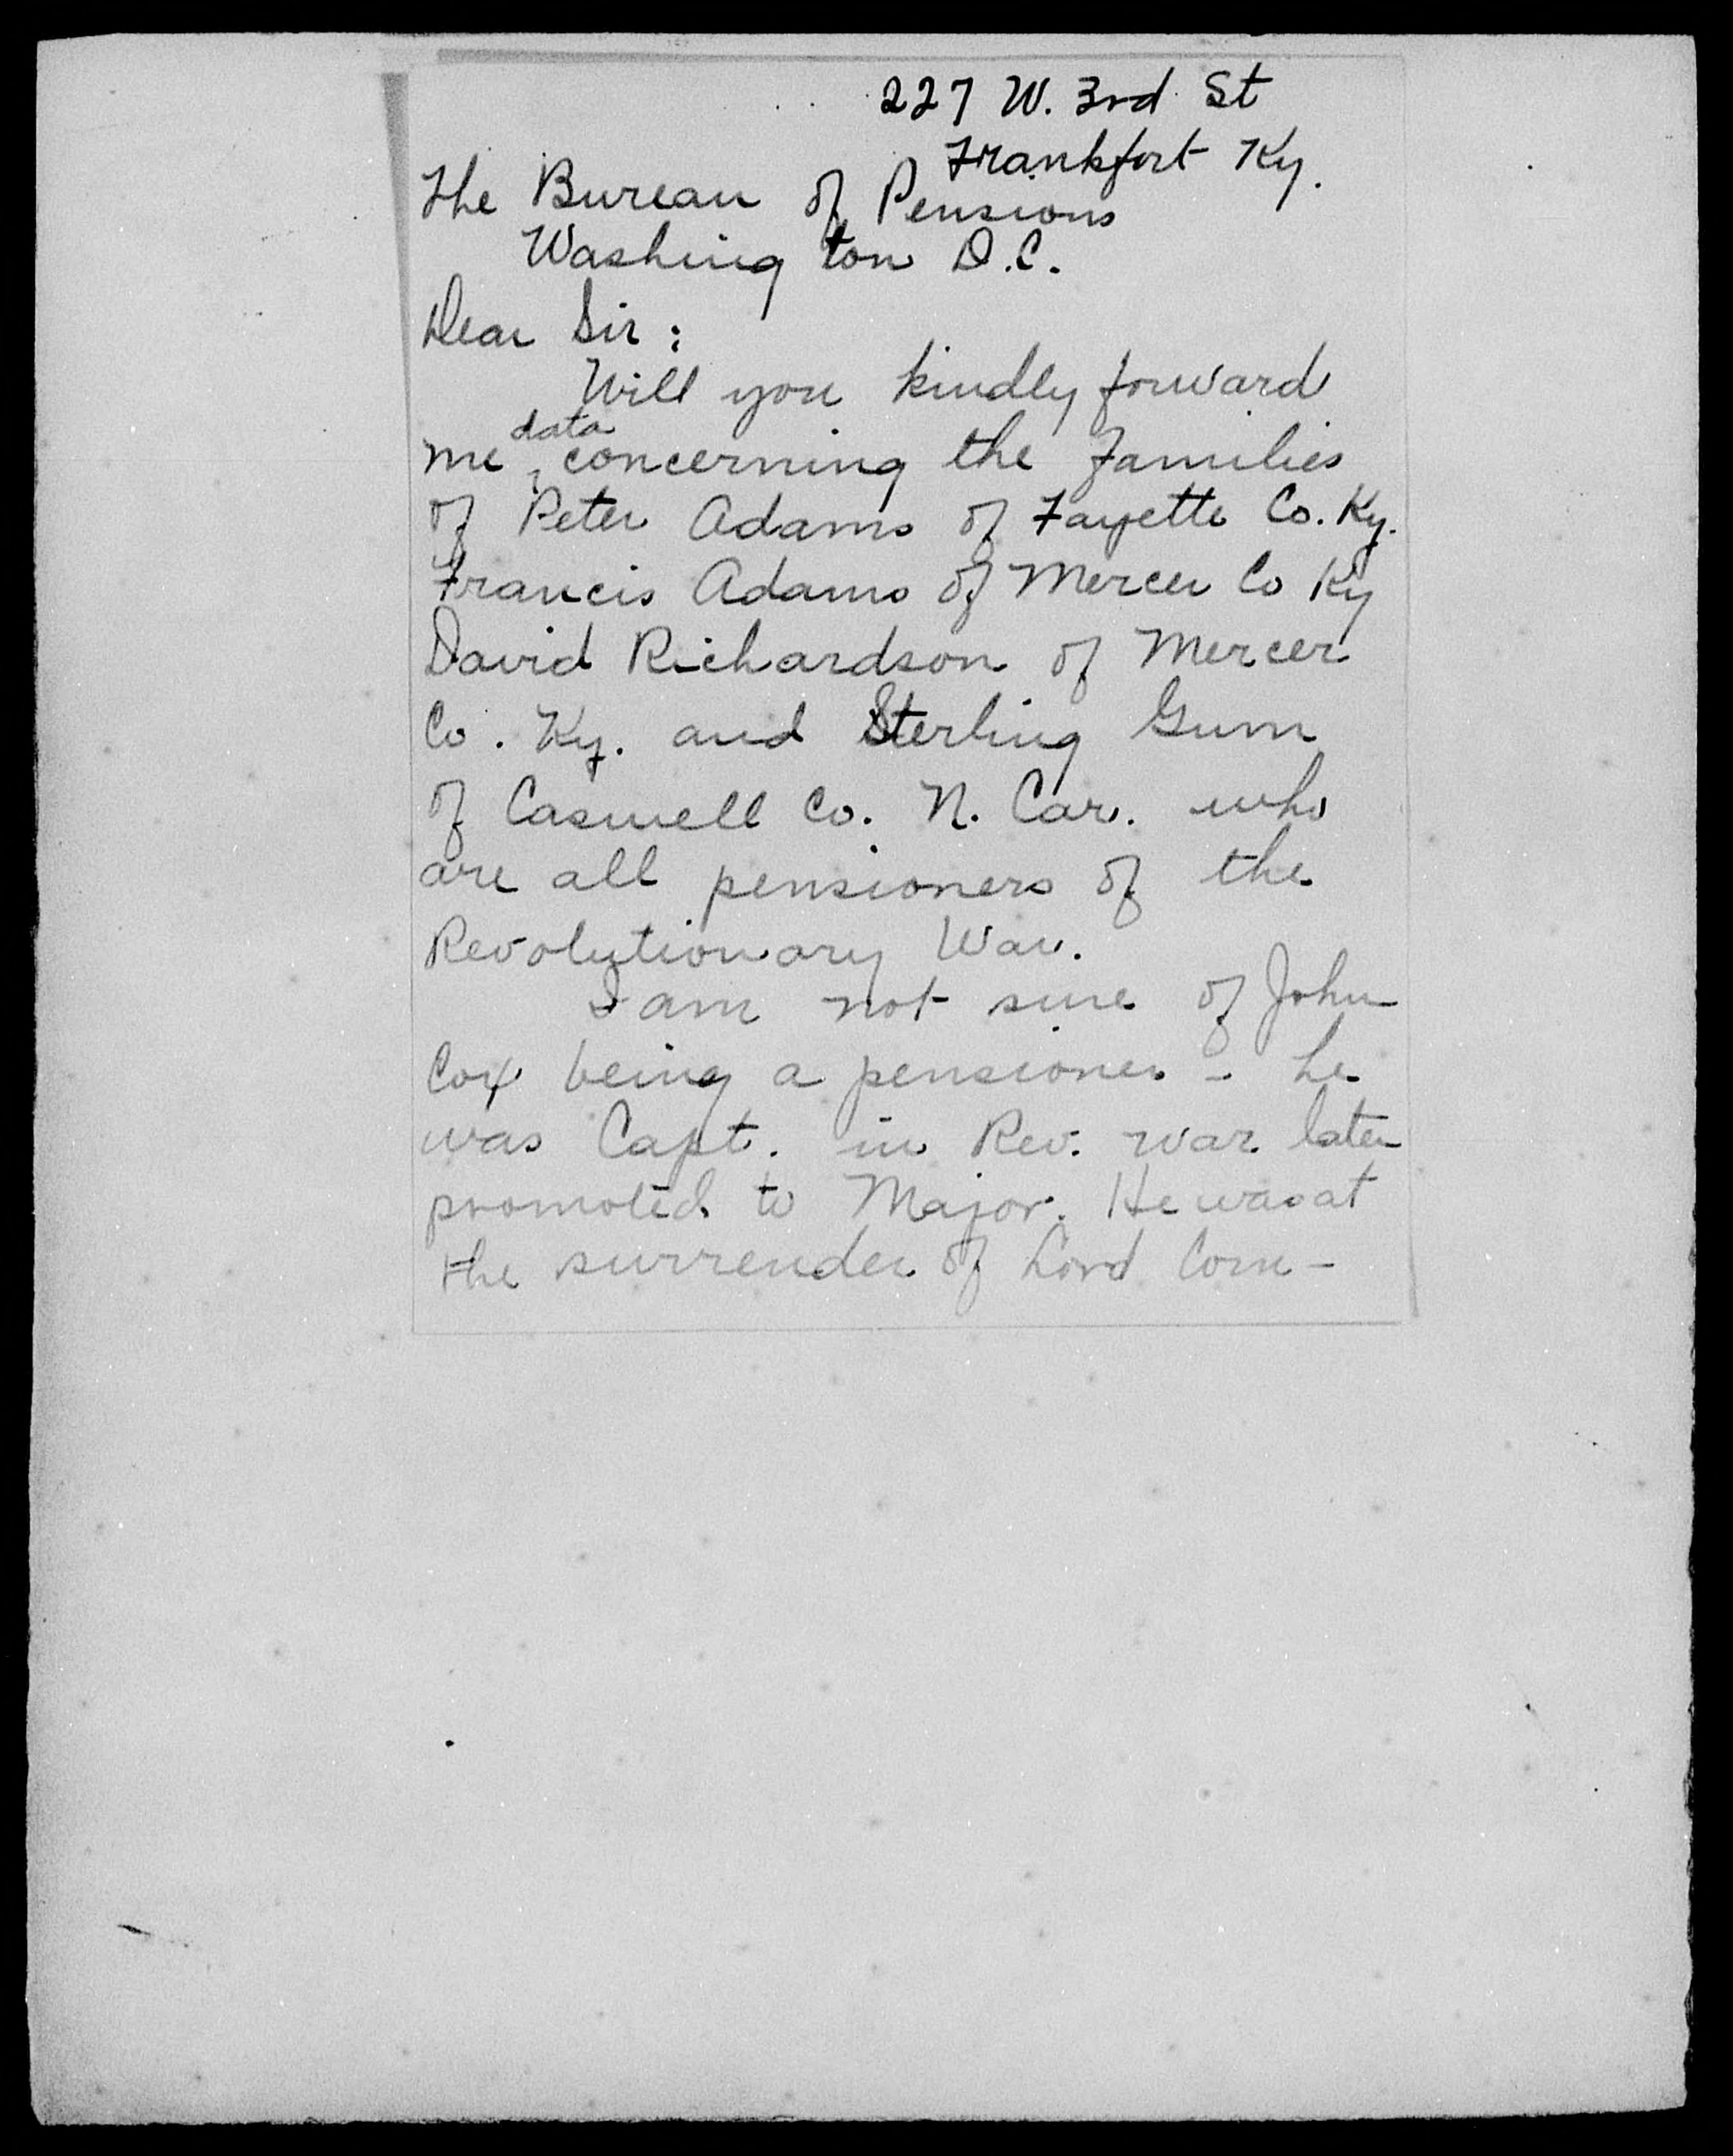227 W. 3rd St  Frankfort Ky.
The Bureau of Pensions  Washington D.C.
Dear Sir:  Will you kindly forward me data concerning the families of Peter Adams of Fayetteville Co. Ky. Francis Adams of Mercer Co Ky David Richardson of Mercer Co. Ky. and Sterling Gunn of Caswell Co. N. Car. who are all pensioners of the Revolutionary War.
I am not sure of John Cox being a pensioner —he was Capt. in Rev. War later promoted to Major.  He was at the surrender of Lord Corn-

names: John Cox, Sterling Gunn, David Richardson, Francis Adams, Peter Adams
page: 44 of 58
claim: survivor's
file: S. 6,941, Starling Gunn, Continental Va.